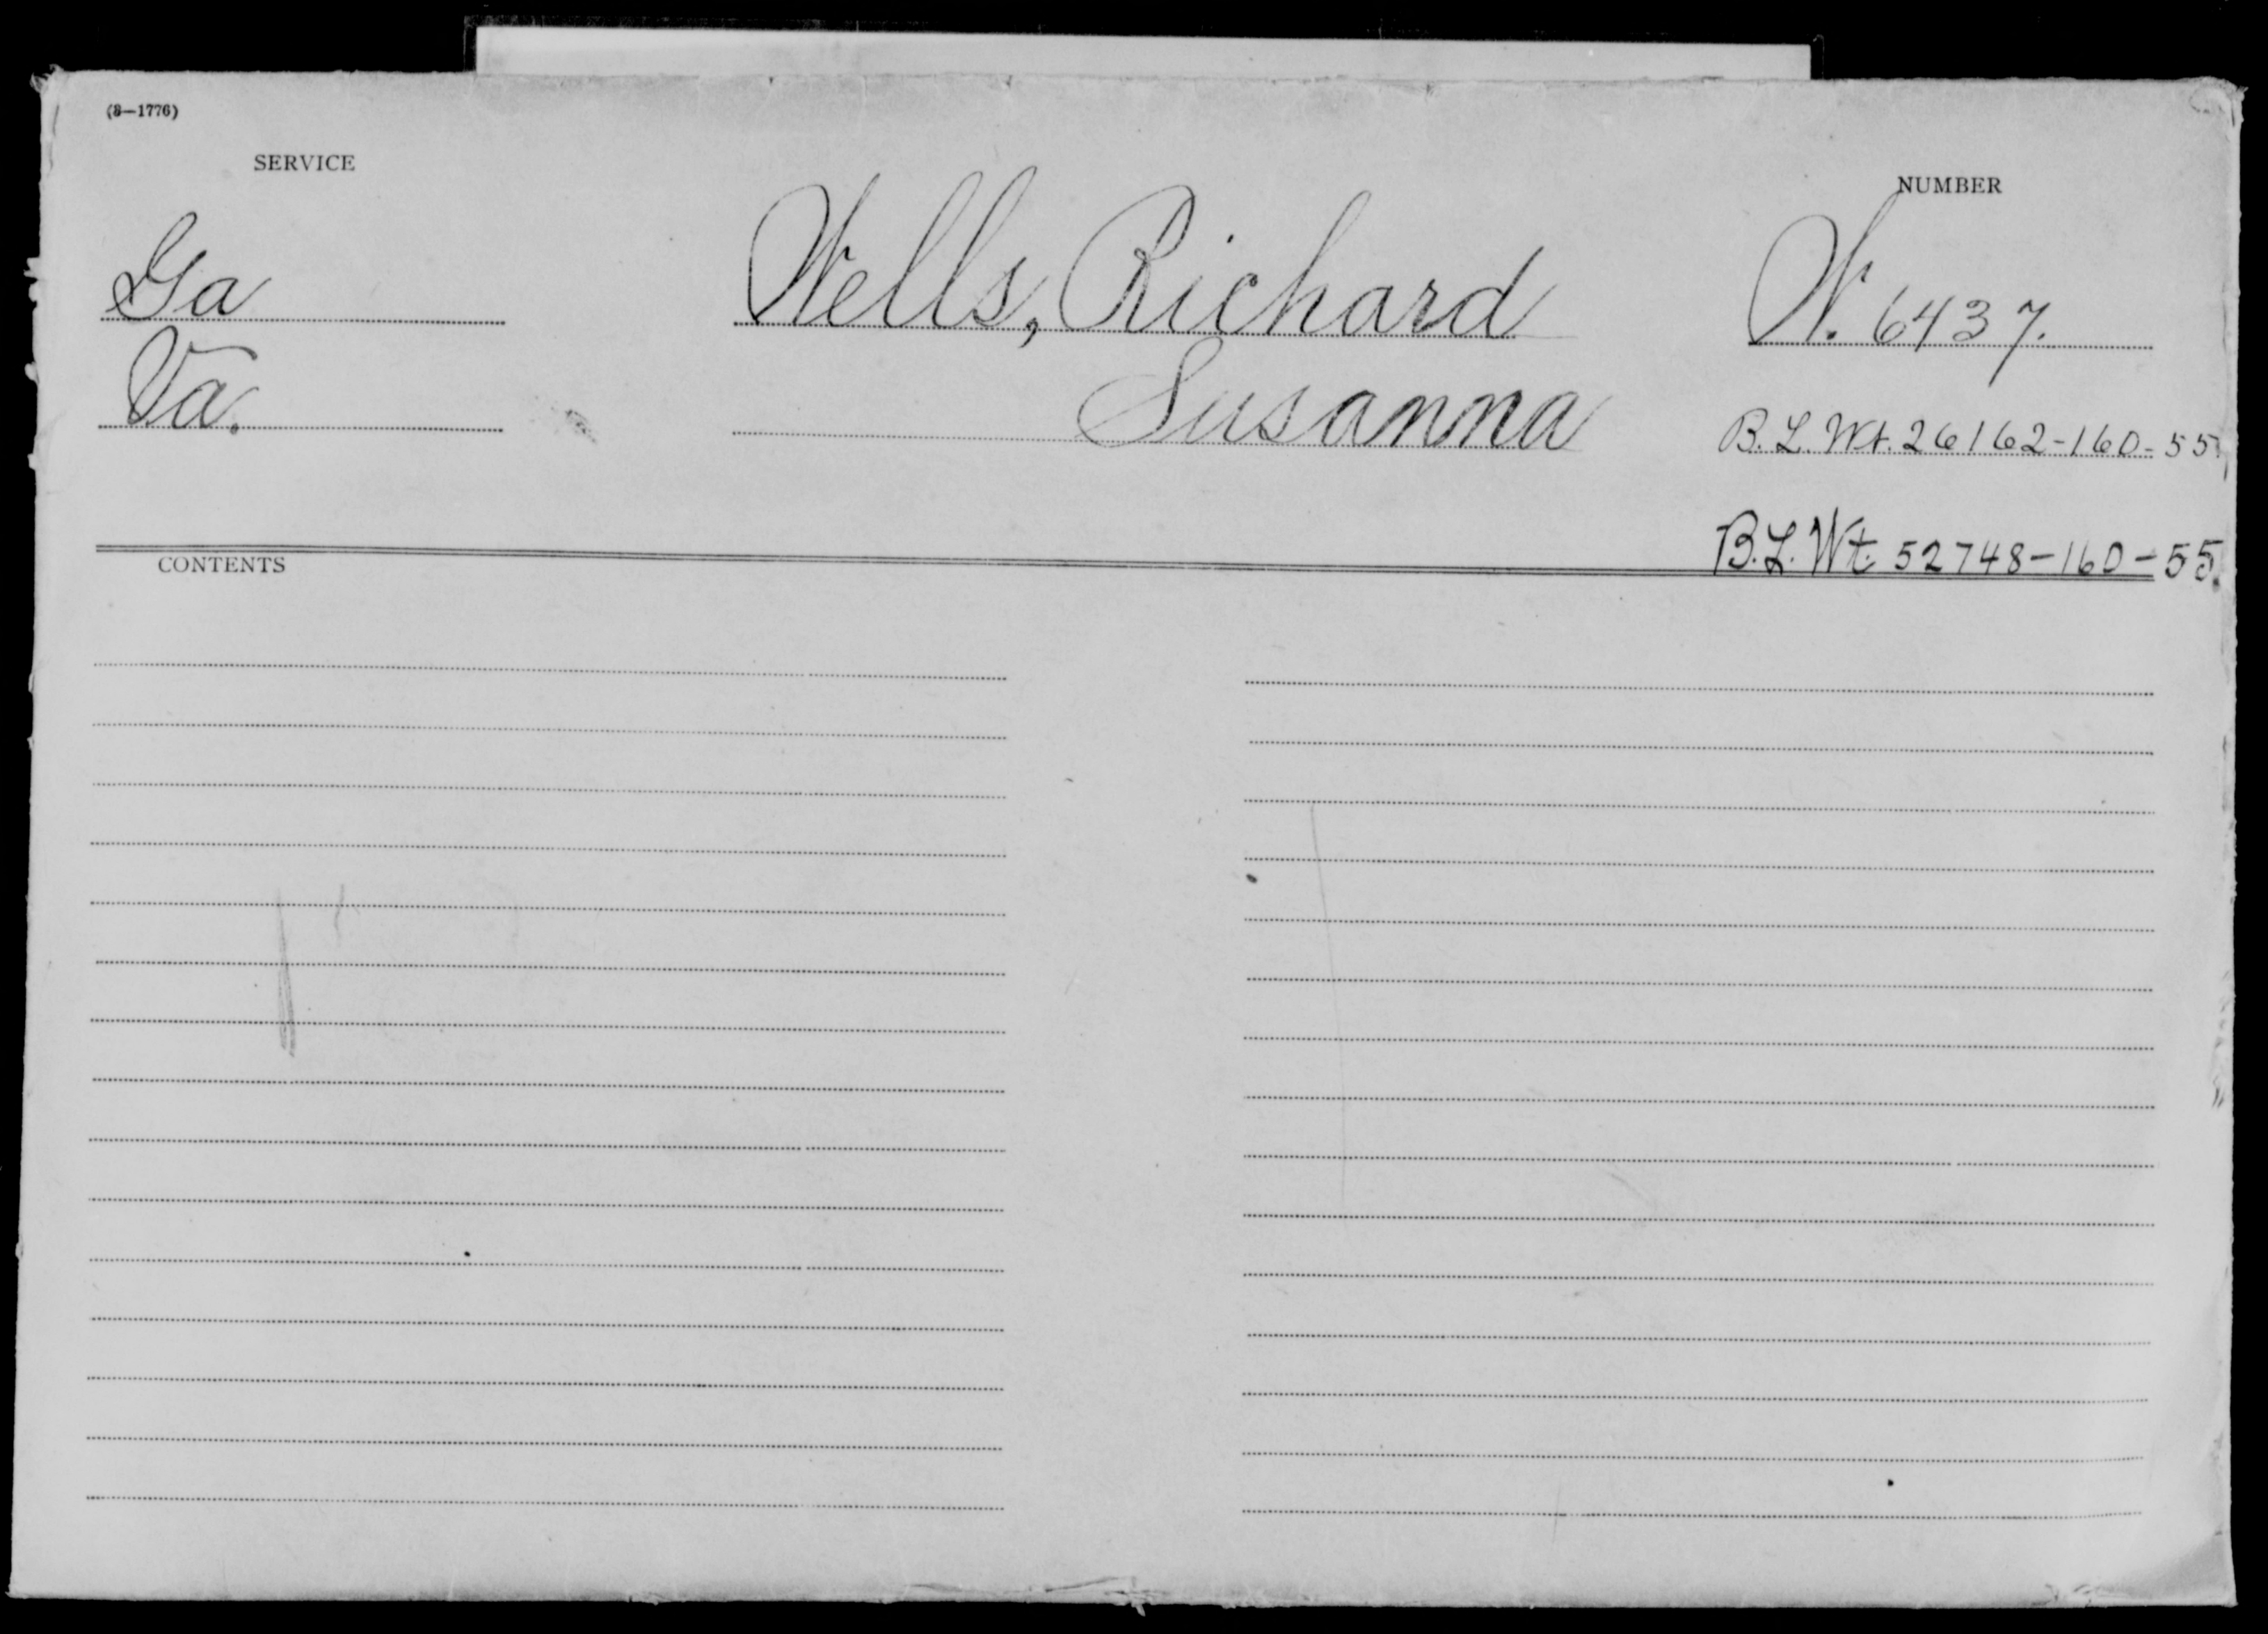SERVICE
Ga
Va.

Wells, Richard
Susanna
NUMBER
W. 6437.
B.L. Wt. 26162-160-55
B.L. Wt. 52748 -160-55
CONTENTS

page: 1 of 100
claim: widow's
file: W. 6437, Richard Wells, Ga Va.